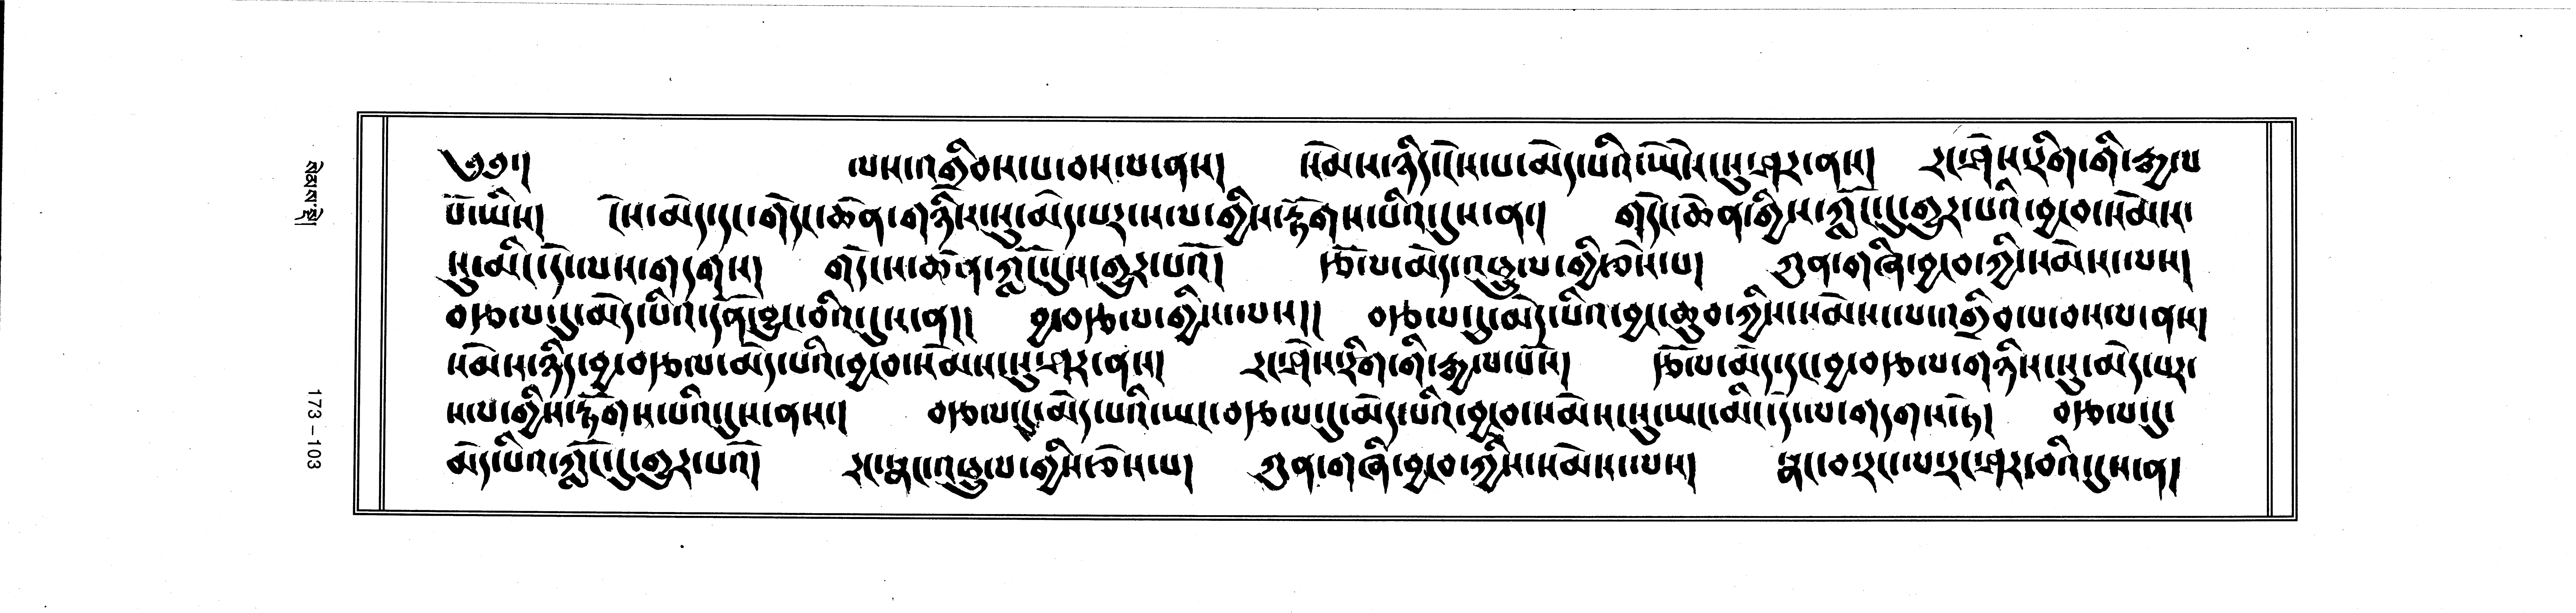ལས་འགྲིབ་པ་བསལ་ནས། སེམས་ཉིད་ངེས་པ་མེད་པའི་ཡེ་ཤེས་སུ་ཤར་ནས། རང་ཤེས་རིག་གི་རྒྱལ་
པོ་ཡིས་ངེས་མེད་དང་གདེང་ཆེན་གཉིས་སུ་མེད་པར་སལ་གྱིས་རྟོགས་པའི་དུས་ན། གདེང་ཆེན་གྱི་ཀློང་དུ་གྱུར་པའི་བྱང་ཆུབ་སེམས་
སུ་མིང་དེ་ལ་གདགས། གདེང་ཆེན་གྱི་ཀློང་དུ་གྱུར་པའོ། །རྩོལ་མེད་འཕྲུལ་གྱིས་ཅེས་པས། ཀུན་གཞི་བྱང་ཆུབ་ཀྱི་སེམས་ལས། 
བརྩལ་དུ་མེད་པའི་དོན་བྱུང་བའི་དུས་ནས། 
སེམས་ཉིད་བྱ་བརྩལ་མེད་པའི་བྱང་ཆུབ་སེམས་སུ་ཤར་ནས། རང་ཤེས་རིག་གི་རྒྱལ་པོ་ཡིས་རྩོལ་མེད་དང་བྱ་བརྩལ་གཉིས་སུ་མེད་པར་
སལ་གྱིས་རྟོགས་པའི་དུས་ན། བརྩལ་དུ་མེད་པའི་ཡང་བརྩལ་དུ་མེད་པའི་བྱང་ཆུབ་ཀྱི་སེམས་སུ་ཡང་མིང་དེ་ལ་གདགས་ཏེ། བརྩལ་དུ་
མེད་པའི་ཀློང་དུ་གྱུར་པའོ། །རང་སྣང་འཕྲུལ་གྱིས་ཅེས་པས། ཀུན་གཞི་བྱང་ཆུབ་ཀྱི་སེམས་ལས། སྣང་བ་རང་ལ་རང་དུས་ན།